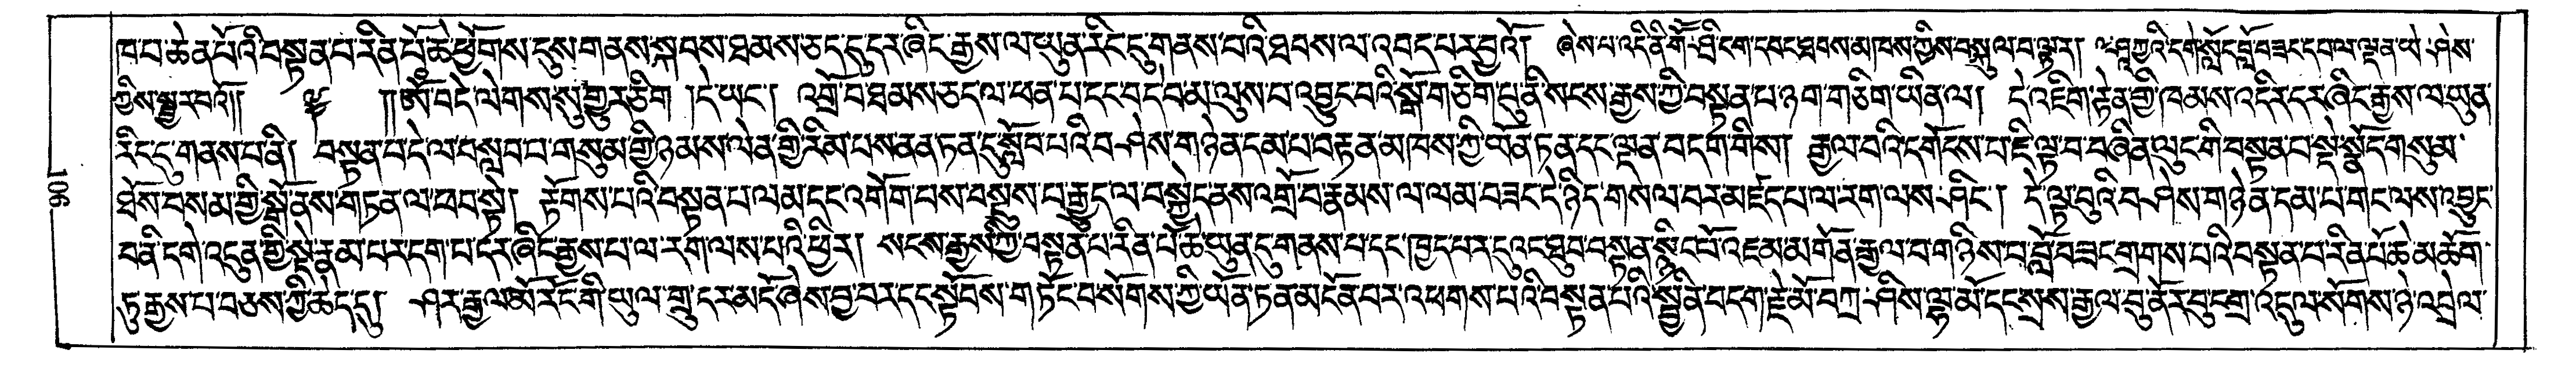ཁ་པ་ཆེན་པོའི་བསྟན་པ་རིན་པོ་ཆེ་ཕྱོགས་དུས་གནས་སྐབས་ཐམས་ཅད་དུ་དར་ཞིང་རྒྱས་ལ་ཡུན་རིང་དུ་གནས་པའི་ཐབས་ལ་འབད་པར་བྱའོ། ཞེས་པ་འདི་ནི་གཽ་ཤྲི་ངག་དབང་ཐབས་མཁས་ཀྱིས་བསྐུལ་བ་ལྟར། ༧ཤཱཀྱའི་དགེ་སློང་བློ་བཟང་དཔལ་ལྡན་ཡེ་ཤེས་
ཀྱིས་སྦྱར་བའོ།། ༈ །།ཨོཾ་བདེ་ལེགས་སུ་གྱུར་ཅིག །དེ་ཡང་། འགྲོ་བ་ཐམས་ཅད་ལ་ཕན་པ་དང་བདེ་བ་མ་ལུས་པ་འབྱུང་བའི་སྒོ་གཅིག་པུ་ནི་སངས་རྒྱས་ཀྱི་བསྟན་པ་ཉག་གཅིག་ཡིན་ལ། དེ་འཇིག་རྟེན་གྱི་ཁམས་འདིར་དར་ཞིང་རྒྱས་ལ་ཡུན་
རིང་དུ་གནས་པ་ནི། བསྟན་པ་དེ་ལ་བསླབ་པ་གསུམ་གྱི་ཉམས་ལེན་གྱི་རིམ་པས་ནན་ཏན་དུ་སློབ་པའི་བཤེས་གཉེན་དམ་པ་བརྟན་མཁས་ཀྱི་ཡོན་ཏན་དང་ལྡན་པ་དག་གིས། རྒྱལ་བའི་དགོངས་པ་ཇི་ལྟ་བ་བཞིན་ལུང་གི་བསྟན་པ་སྡེ་སྣོད་གསུམ་
ཐོས་བསམ་གྱི་སྒོ་ནས་གཏན་ལ་ཕབ་སྟེ། རྟོགས་པའི་བསྟན་པ་ལམ་དང་འགོག་པས་བསྡུས་པ་རྒྱུད་ལ་བསྐྱེད་ནས་འགྲོ་བ་རྣམས་ལ་ལམ་བཟང་དེ་ཉིད་གསལ་བར་མཛད་པ་ལ་རག་ལས་ཤིང་། དེ་ལྟ་བུའི་བཤེས་གཉེན་དམ་པ་གང་ལས་འབྱུང་
བ་ནི་དགེ་འདུན་གྱི་སྡེ་རྣམ་པར་དག་པ་དར་ཞིང་རྒྱས་པ་ལ་རག་ལས་པའི་ཕྱིར། སངས་རྒྱས་ཀྱི་བསྟན་པ་རིན་པོ་ཆེ་ཡུན་དུ་གནས་པ་དང་ཁྱད་པར་དུའང་ཐུབ་བསྟན་སྙིང་པོ་འཇམ་མགོན་རྒྱལ་བ་གཉིས་པ་བློ་བཟང་གྲགས་པའི་བསྟན་པ་རིན་པོ་ཆེ་མཆོག་
ཏུ་རྒྱས་པ་བཅས་ཀྱི་ཆེད་དུ། ཤར་རྒྱལ་མོ་རོང་གི་ཡུལ་གྲུ་དར་མདོ་ཞེས་བྱ་བར་དང་སྟོབས་གཏོང་བ་སོགས་ཀྱི་ཡོན་ཏན་མངོན་པར་འཕགས་པའི་བསྟན་པའི་སྦྱིན་བདག་རྗེ་མོ་བཀྲ་ཤིས་ལྷ་མོ་དང་སྲས་རྒྱལ་བུ་ནོར་བུ་དགྲ་འདུལ་སོགས་ཉེ་འབྲེལ་